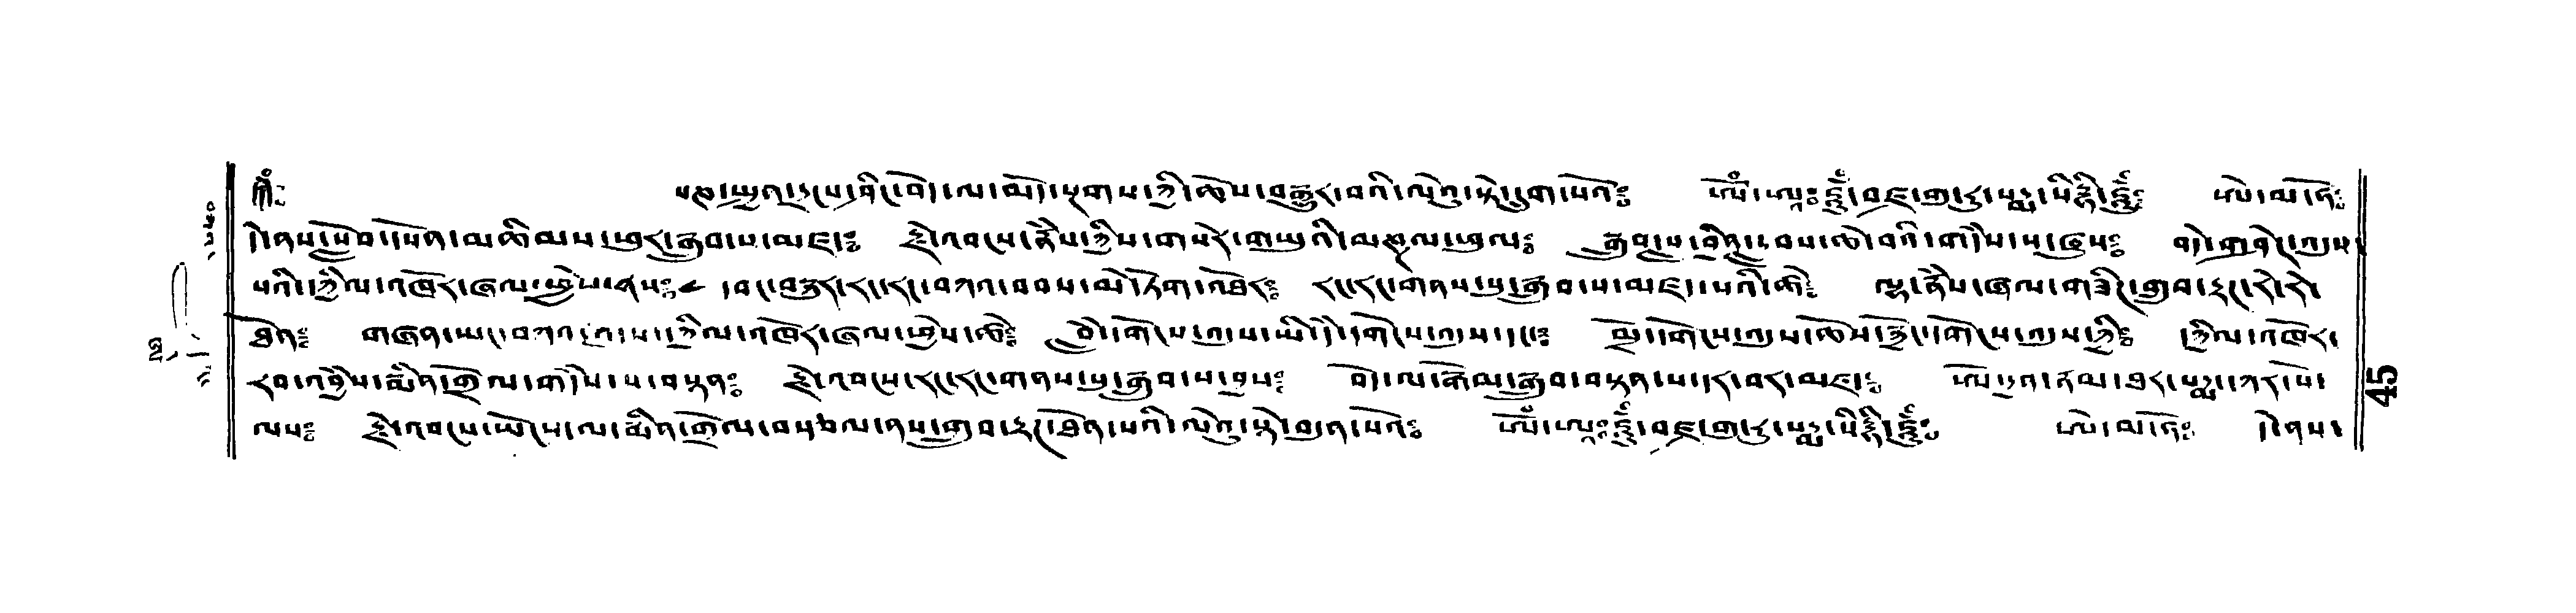པཎ་སྤྱན་དྲངས་ཤིང་བོད་ལ་མདོ་སྔགས་ཀྱི་ཆོས་བསྒྱུར་བའི་ལེའུ་སྟེ་དྲུག་པའོ༔ ཨོཾ་ཨཱཿཧཱུྃ་བཛྲ་གུ་རུ་པདྨ་སིདྡྷི་ཧཱུྃ༔ ཨེ་མ་ཧོ༔ 
དེ་ནས་སློབ་དཔོན་མཆིམས་ཕུར་སྒྲུབ་པ་མཛད༔ རྗེ་འབངས་རྣམས་ཀྱིས་གསེར་གཡུའི་མཎྜལ་ཕུལ༔ སྒྲུབ་སླ་བྱིན་རླབས་ཆེ་བའི་གདམས་པ་ཞུས༔ བདེ་གཤེགས་འདུས་
པའི་དཀྱིལ་འཁོར་ཞལ་ཕྱེས་ནས༔ དབང་བསྐུར་རང་རང་བཀའ་བབས་མེ་ཏོག་འཐོར༔ རང་རང་གནས་སུ་སྒྲུབ་པ་མཛད་པའི་ཚེ༔ ལྷ་རྣམས་ཞལ་གཟིགས་གྲུབ་རྟགས་རེ་རེ་
ཐོན༔ གཞན་ཡང་བཀའ་འདུས་དཀྱིལ་འཁོར་ཞལ་ཕྱེས་ཚེ༔ བླ་མ་དགོངས་འདུས་ཡི་དམ་དགོངས་འདུས་དང༔མཁའ་འགྲོ་དགོངས་འདུས་ཆོས་སྐྱོང་དགོངས་འདུས་ཀྱི༔ དཀྱིལ་འཁོར་
རབ་འབྱམས་སྨིན་གྲོལ་གདམས་པ་བསྟན༔ རྗེ་འབངས་རང་རང་གནས་སུ་སྒྲུབ་པ་བྱས༔ བོད་ལ་སྒོམ་སྒྲུབ་བསྟན་པ་དར་བར་མཛད༔ ཨོ་རྒྱན་རྣམ་ཐར་པདྨ་དཀར་པོ་
ལས༔ རྗེ་འབངས་ཡོངས་ལ་སྨིན་གྲོལ་བསྩལ་ནས་གྲུབ་རྟགས་ཐོན་པའི་ལེའུ་སྟེ་བདུན་པའོ༔ ཨོཾ་ཨཱཿཧཱུྃ་བཛྲ་གུ་རུ་པདྨ་སིདྡྷི་ཧཱུྃ༔ ཨེ་མ་ཧོ༔ དེ་ནས་